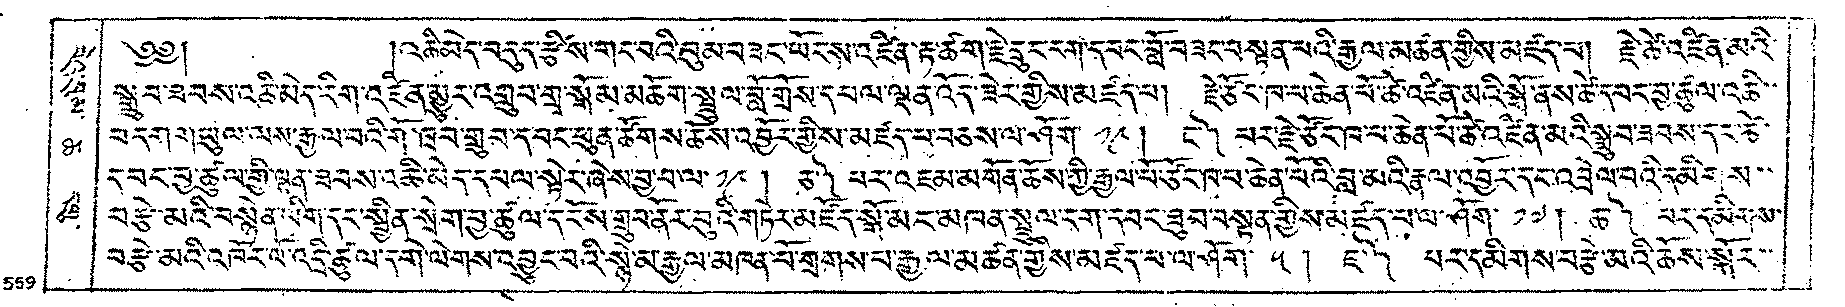༄༅། །འཆི་མེད་བདུད་རྩིས་གང་བའི་བུམ་བཟང་ཡོངས་འཛིན་རྟ་ཚག་རྗེ་དྲུང་ངག་དབང་བློ་བཟང་བསྟན་པའི་རྒྱལ་མཚན་གྱིས་མཛད་པ། རྗེ་ཚེ་འཛིན་མའི་
སྒྲུབ་ཐབས་འཆི་མེད་རིག་འཛིན་མྱུར་འགྲུབ་གྲྭ་སྒོམ་མཆོག་སྤྲུལ་བློ་གྲོས་དཔལ་ལྡན་འོད་ཟེར་གྱིས་མཛད་པ། རྗེ་ཙོང་ཁ་པ་ཆེན་པོ་ཚེ་འཛིན་མའི་སྒོ་ནས་ཚེ་དབང་བྱ་ཚུལ་འཆི་
བདག་གཡུལ་ལས་རྒྱལ་བའི་གོ་ཁྲབ་གྲུབ་དབང་ཕུན་ཚོགས་ཆོས་འབྱོར་གྱིས་མཛད་པ་བཅས་ལ་ཤོག ༡༩། ང྄་པར་རྗེ་ཙོང་ཁ་པ་ཆེན་པོ་ཚེ་འཛིན་མའི་སྒྲུབ་ཐབས་དང་ཚེ་
དབང་བྱ་ཚུལ་གྱི་ལྷན་ཐབས་འཆི་མེད་དཔལ་སྟེར་ཞེས་བྱ་བ་ལ ༡༩། ཅ྄་པར་འཇམ་མགོན་ཆོས་ཀྱི་རྒྱལ་པོ་ཙོང་ཁ་པ་ཆེན་པོའི་བླ་མའི་རྣལ་འབྱོར་དང་འབྲེལ་བའི་དམིགས་
བརྩེ་མའི་བསྙེན་ཡིག་དང་སྦྱིན་སྲེག་བྱ་ཚུལ་དངོས་གྲུབ་ནོར་བུའི་གཏེར་མཛོད་སྒོ་མང་མཁན་སྤྲུལ་ངག་དབང་ཐུབ་བསྟན་གྱིས་མཛད་པ་ལ་ཤོག ༡༧། ཆ྄་པར་དམིགས་
བརྩེ་མའི་འཁོར་ལོ་འདྲི་ཚུལ་དགེ་ལེགས་འབྱུང་བའི་སྙེ་མ་རྒྱལ་མཁན་པོ་གྲགས་པ་རྒྱལ་མཚན་གྱིས་མཛད་པ་ལ་ཤོག ༥། ཇ྄་པར་དམིགས་བརྩེ་མའི་ཆོས་སྐོར་